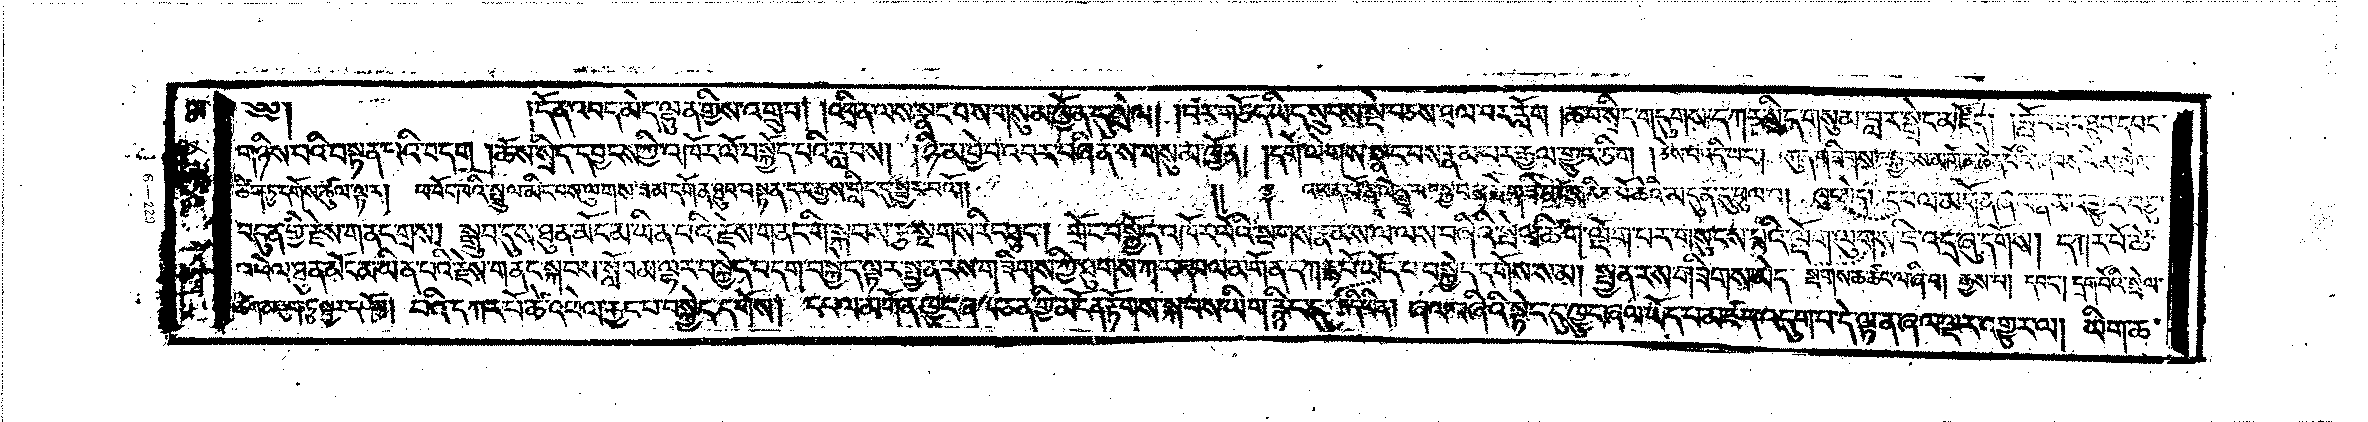༄༅། །དོན་འབད་མེད་ལྷུན་གྱིས་འགྲུབ། །འཕྲིན་ལས་སྣང་བས་གསུམ་ཁྱོན་དུ་སྲེལ། །བར་གཅོད་ཡིད་སྲུབས་སྡེ་བཅས་ཐལ་བར་རློག །ཆབ་སྲིད་གདུགས་དཀར་སྲིད་གསུམ་བླར་སྒྲེང་མཛོད། །བློ་བཟང་ཐུབ་དབང་
གཉིས་པའི་བསྟན་པའི་བདག །ཆོས་སྲིད་དབྱངས་ཀྱི་འཁོར་ལོ་བསྐྱོད་པའི་རླབས། །ཉི་མ་བྱེ་བ་འབར་བཞིན་ས་གསུམ་ཁྱོན། །དགེ་ལེགས་སྣང་བས་རྣམ་པར་རྒྱལ་གྱུར་ཅིག །ཅེས་པ་འདི་ཡང་། ཀུན་གཟིགས ༧སྐྱབས་མགོན་ཆེན་པོའི་ཞབས་རིམ་སླེ་ལ་
ཚིགས་ཏུ་དགོས་ཚུལ་ལྟར། འཁོང་ཁའི་སྤྲུལ་མིང་པས་ལུགས་ཟམ་དགོན་ཐུབ་བསྟན་དར་རྒྱས་གླིང་དུ་སྦྱར་བའོ།། །། ༈ འཕན་པོ་ནཱ་ལེནྡྲར་བསྐྱབས་རྦེ་གཟིམ་པོ་རིན་པོ་ཆེའི་མདུན་དུ་ཕུལ་བ། ཁྱད་མེད། དཔལ་མགོན་ཞལ་རྣམ་འགྱུར་བཅུ་
བདུན་གྱི་རྗེས་གནང་གྲས། སྒྲུབ་དུས་ཐུན་མོང་མ་ཡིན་པའི་རྗེས་གནང་གི་སྐབས་རྩ་སྔགས་རིང་ཐུང་། གྲོང་བསྐྱོད་འཁོར་ལོའི་སྔགས་རྣམས་ལ་ལས་བཞིའི་སྤེལ་ཚིག་ལྡོག་པར་གསུངས་པའི་ལྡོག་ལུགས་ཇི་འདྲ་ཞུ་དགོས། དཀར་པོ་ཚེ་
འཕེལ་ཐུན་མོང་མ་ཡིན་པའི་རྗེས་གནང་སྐབས་སློབ་མ་ལྷར་བསྐྱེད་བདག་བསྐྱེད་ལྟར་སྤྱན་རས་གཟིགས་ཀྱི་ཐུགས་ཀར་དཔལ་མགོན་དཀར་པོ་ཡོད་པ་བསྐྱེད་དགོས་སམ། སྤྱན་རས་གཟིགས་མེད་སྔགས་ཆ་ཚང་ལ་ཞི་བ། རྒྱས་པ། དབང་། དྲག་པོའི་སྲེལ་
ཚིག་མཐུག་ཏུ་སྦྱར་དགོས། བའི་དཀར་པོ་ཚེ་འཕེལ་རྐྱང་བ་བསྐྱེད་དགོས། དཔལ་མགོན་ཁྱུང་ཞལ་ཅན་གྱི་མངོན་རྟོགས་སྐབས་ཡིག་རྙིང་དུ་འདི་ཡིན། ཞལ་བཞིའི་སྟེང་དུ་ཁྱུང་ཞལ་ཡོད་པ་མཛད་འདུག་པ་དེ་ལྟ་ན་ཞལ་ལྔར་འགྱུར་ལ། ཡིག་ཆ་